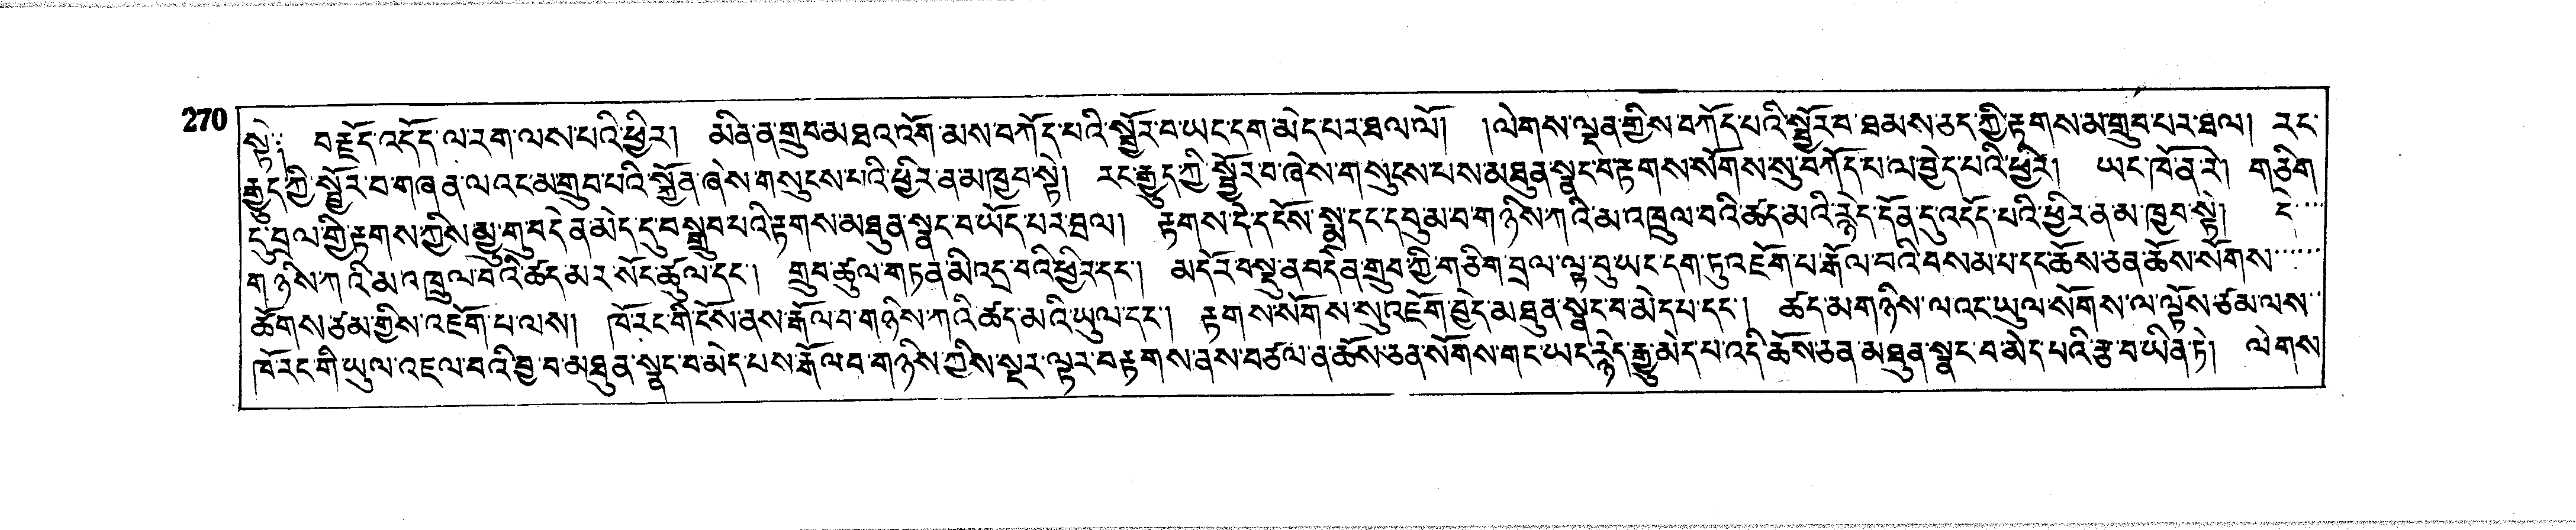སྟེ༑ བརྗོད་འདོད་ལ་རག་ལས་པའི་ཕྱིར། མིན་ན་གྲུབ་མཐའ་འོག་མས་བཀོད་པའི་སྦྱོར་བ་ཡང་དག་མེད་པར་ཐལ་ལོ། །ལེགས་ལྡན་གྱིས་བཀོད་པའི་སྦྱོར་བ་ཐམས་ཅད་ཀྱི་རྟགས་མ་གྲུབ་པར་ཐལ། རང་
རྒྱུད་ཀྱི་སྦྱོར་བ་གཞན་ལའང་མ་གྲུབ་པའི་སྐྱོན་ཞེས་གསུངས་པའི་ཕྱིར་ན་མ་ཁྱབ་སྟེ། རང་རྒྱུད་ཀྱི་སྦྱོར་བ་ཞེས་གསུངས་པས་མཐུན་སྣང་བ་རྟགས་སོགས་སུ་བཀོད་པ་ལ་བྱེད་པའི་ཕྱིར། ཡང་ཁོ་ན་རེ། གཅིག་
དུ་བྲལ་གྱི་རྟགས་ཀྱིས་མྱུ་གུ་བདེན་མེད་དུ་བསྒྲུབ་པའི་རྟགས་མཐུན་སྣང་བ་ཡོད་པར་ཐལ། རྟགས་དེ་དངོས་སྨྲ་དང་དབུ་མ་བ་གཉིས་ཀའི་མ་འཁྲུལ་བའི་ཚད་མའི་རྙེད་དོན་དུ་འདོད་པའི་ཕྱིར་ན་མ་ཁྱབ་སྟེ། དེ་
གཉིས་ཀའི་མ་འཁྲུལ་བའི་ཚད་མར་སོང་ཚུལ་དང་། གྲུབ་ཚུལ་གཏན་མི་འདྲ་བའི་ཕྱིར་དང་། མདོར་བསྡུ་ན་བདེན་གྲུབ་ཀྱི་གཅིག་བྲལ་ལྟ་བུ་ཡང་དག་ཏུ་འཇོག་པ་རྒོལ་བའི་བསམ་པ་དང་ཆོས་ཅན་ཆོས་སོགས་
ཚོགས་ཙམ་གྱིས་འཇོག་པ་ལས། ཁོ་རང་གི་ངོས་ནས་རྒོལ་བ་གཉིས་ཀའི་ཚད་མའི་ཡུལ་དང་། རྟགས་སོགས་སུ་འཇོག་བྱེད་མཐུན་སྣང་བ་མེད་པ་དང་། ཚད་མ་གཉིས་ལའང་ཡུལ་སོགས་ལ་ལྟོས་ཙམ་ལས་
ཁོ་རང་གི་ཡུལ་འཇལ་བའི་བྱ་བ་མཐུན་སྣང་བ་མེད་པས་རྒོལ་བ་གཉིས་ཀྱིས་སྔར་ལྟར་བརྟགས་ནས་བཙལ་ན་ཆོས་ཅན་སོགས་གང་ཡང་རྙེད་རྒྱུ་མེད་པ་འདི་ཆོས་ཅན་མཐུན་སྣང་བ་མེད་པའི་རྩ་བ་ཡིན་ཏེ། ལེགས་